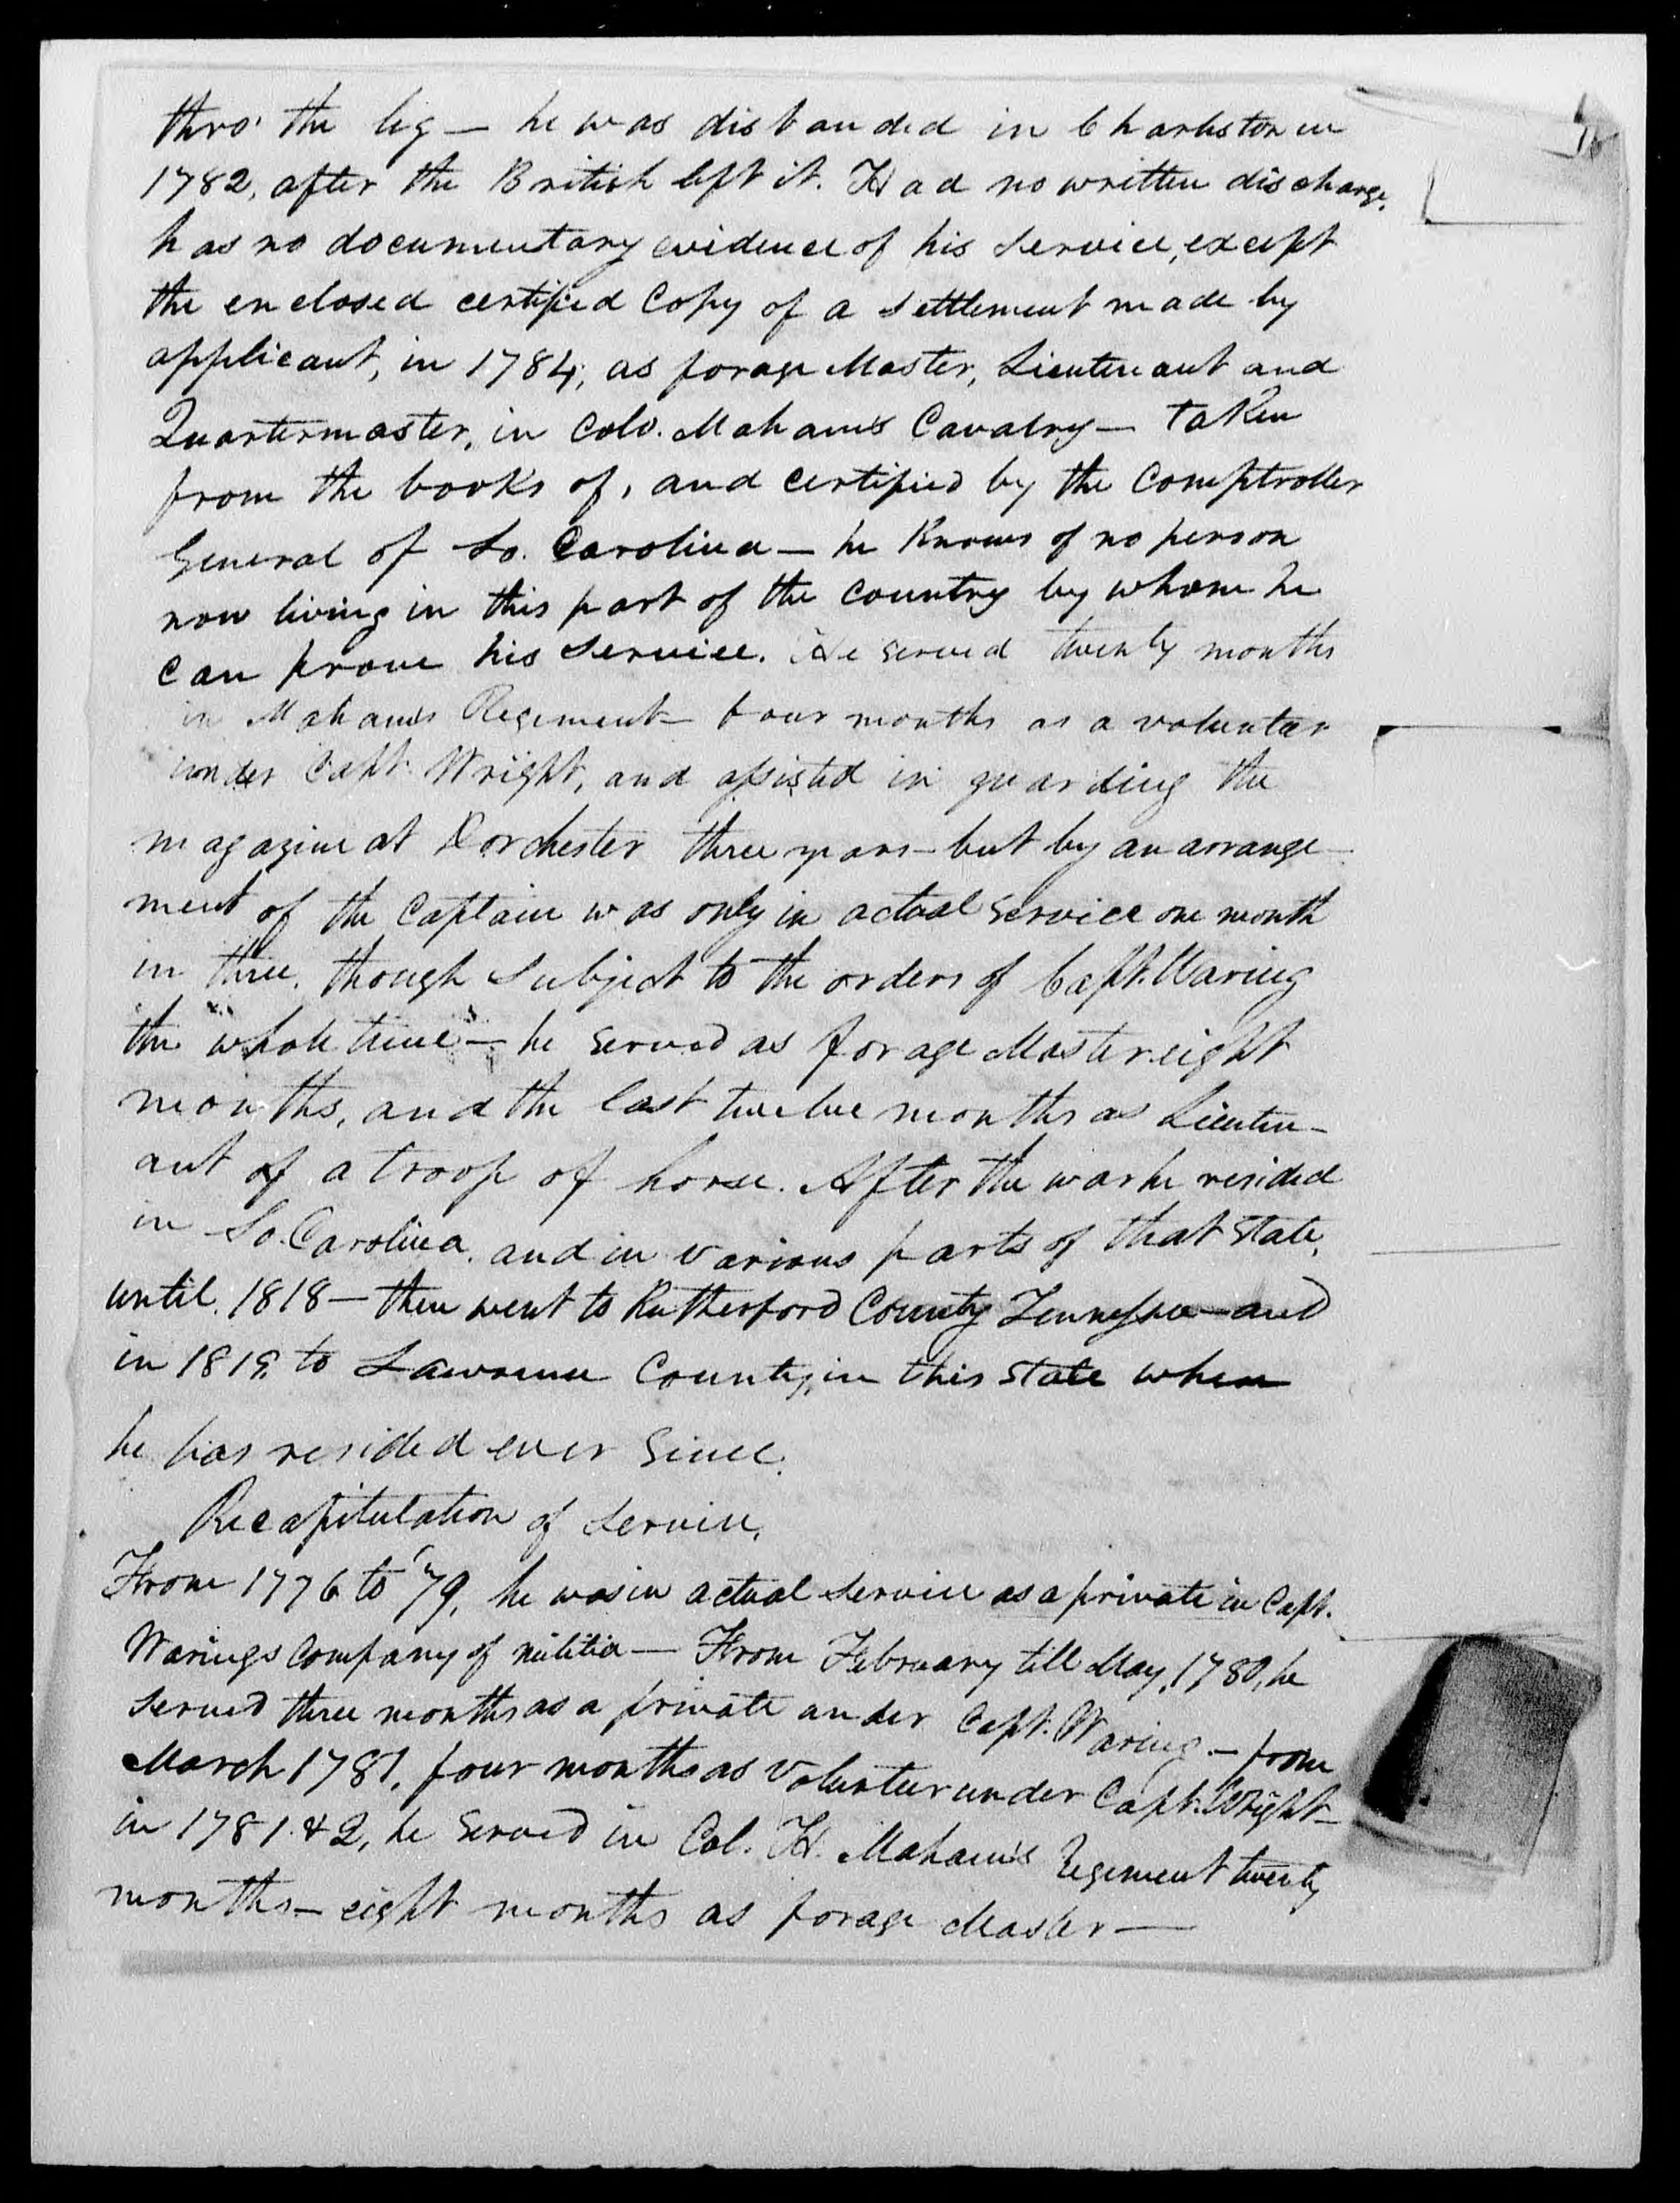thro' the leg-- he was disbanded in Charleston in 1782, after the British left it. Had no written discharge
has no documentary evidence of his service, except the enclosed certified copy of a settlement made by
applicant, in 1784, as forage Master, Lieutenant and Quartermaster, in Colo. Maham's Cavalry, taken
from the books of, and certified by the Comptroller General of So. Carolina - he knows of no person
now living in this part of the country by whom he can prove his service. He served twenty months in Mahan's Regiment four months as a volunteer
under Capt Wright, and assisted in guarding the magazine at Dorchester three years but by an arrangement of the captain was only in actual service one month in three though subject to the orders of Capt. Waring the whole time. he served as forage Master eight months, and the last twelve months as Lieutenant of a troop of horse. After the war he resided
in So. Carolina and in various parts of that State until 1818 - then went to Rutherford County Tennessee and
in 1819 to Lawrence County in this State where he has resided ever since.
Recapitulation of Service - from 1776 to 1779, he was in actual service as a private in Capt. Warings Company of Militia from February till May 1780, he
served three months as a private under Capt. Waring from March 1781, four months as volunteer under Capt Wright in 1781 & 2, he served in Col. H. Maham's Regiment twenty months- eight months as forage Master-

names: Waring, Maham, Wright, Waring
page: 10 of 72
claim: widow's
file: W. 897, Thomas Broughton, S.C.